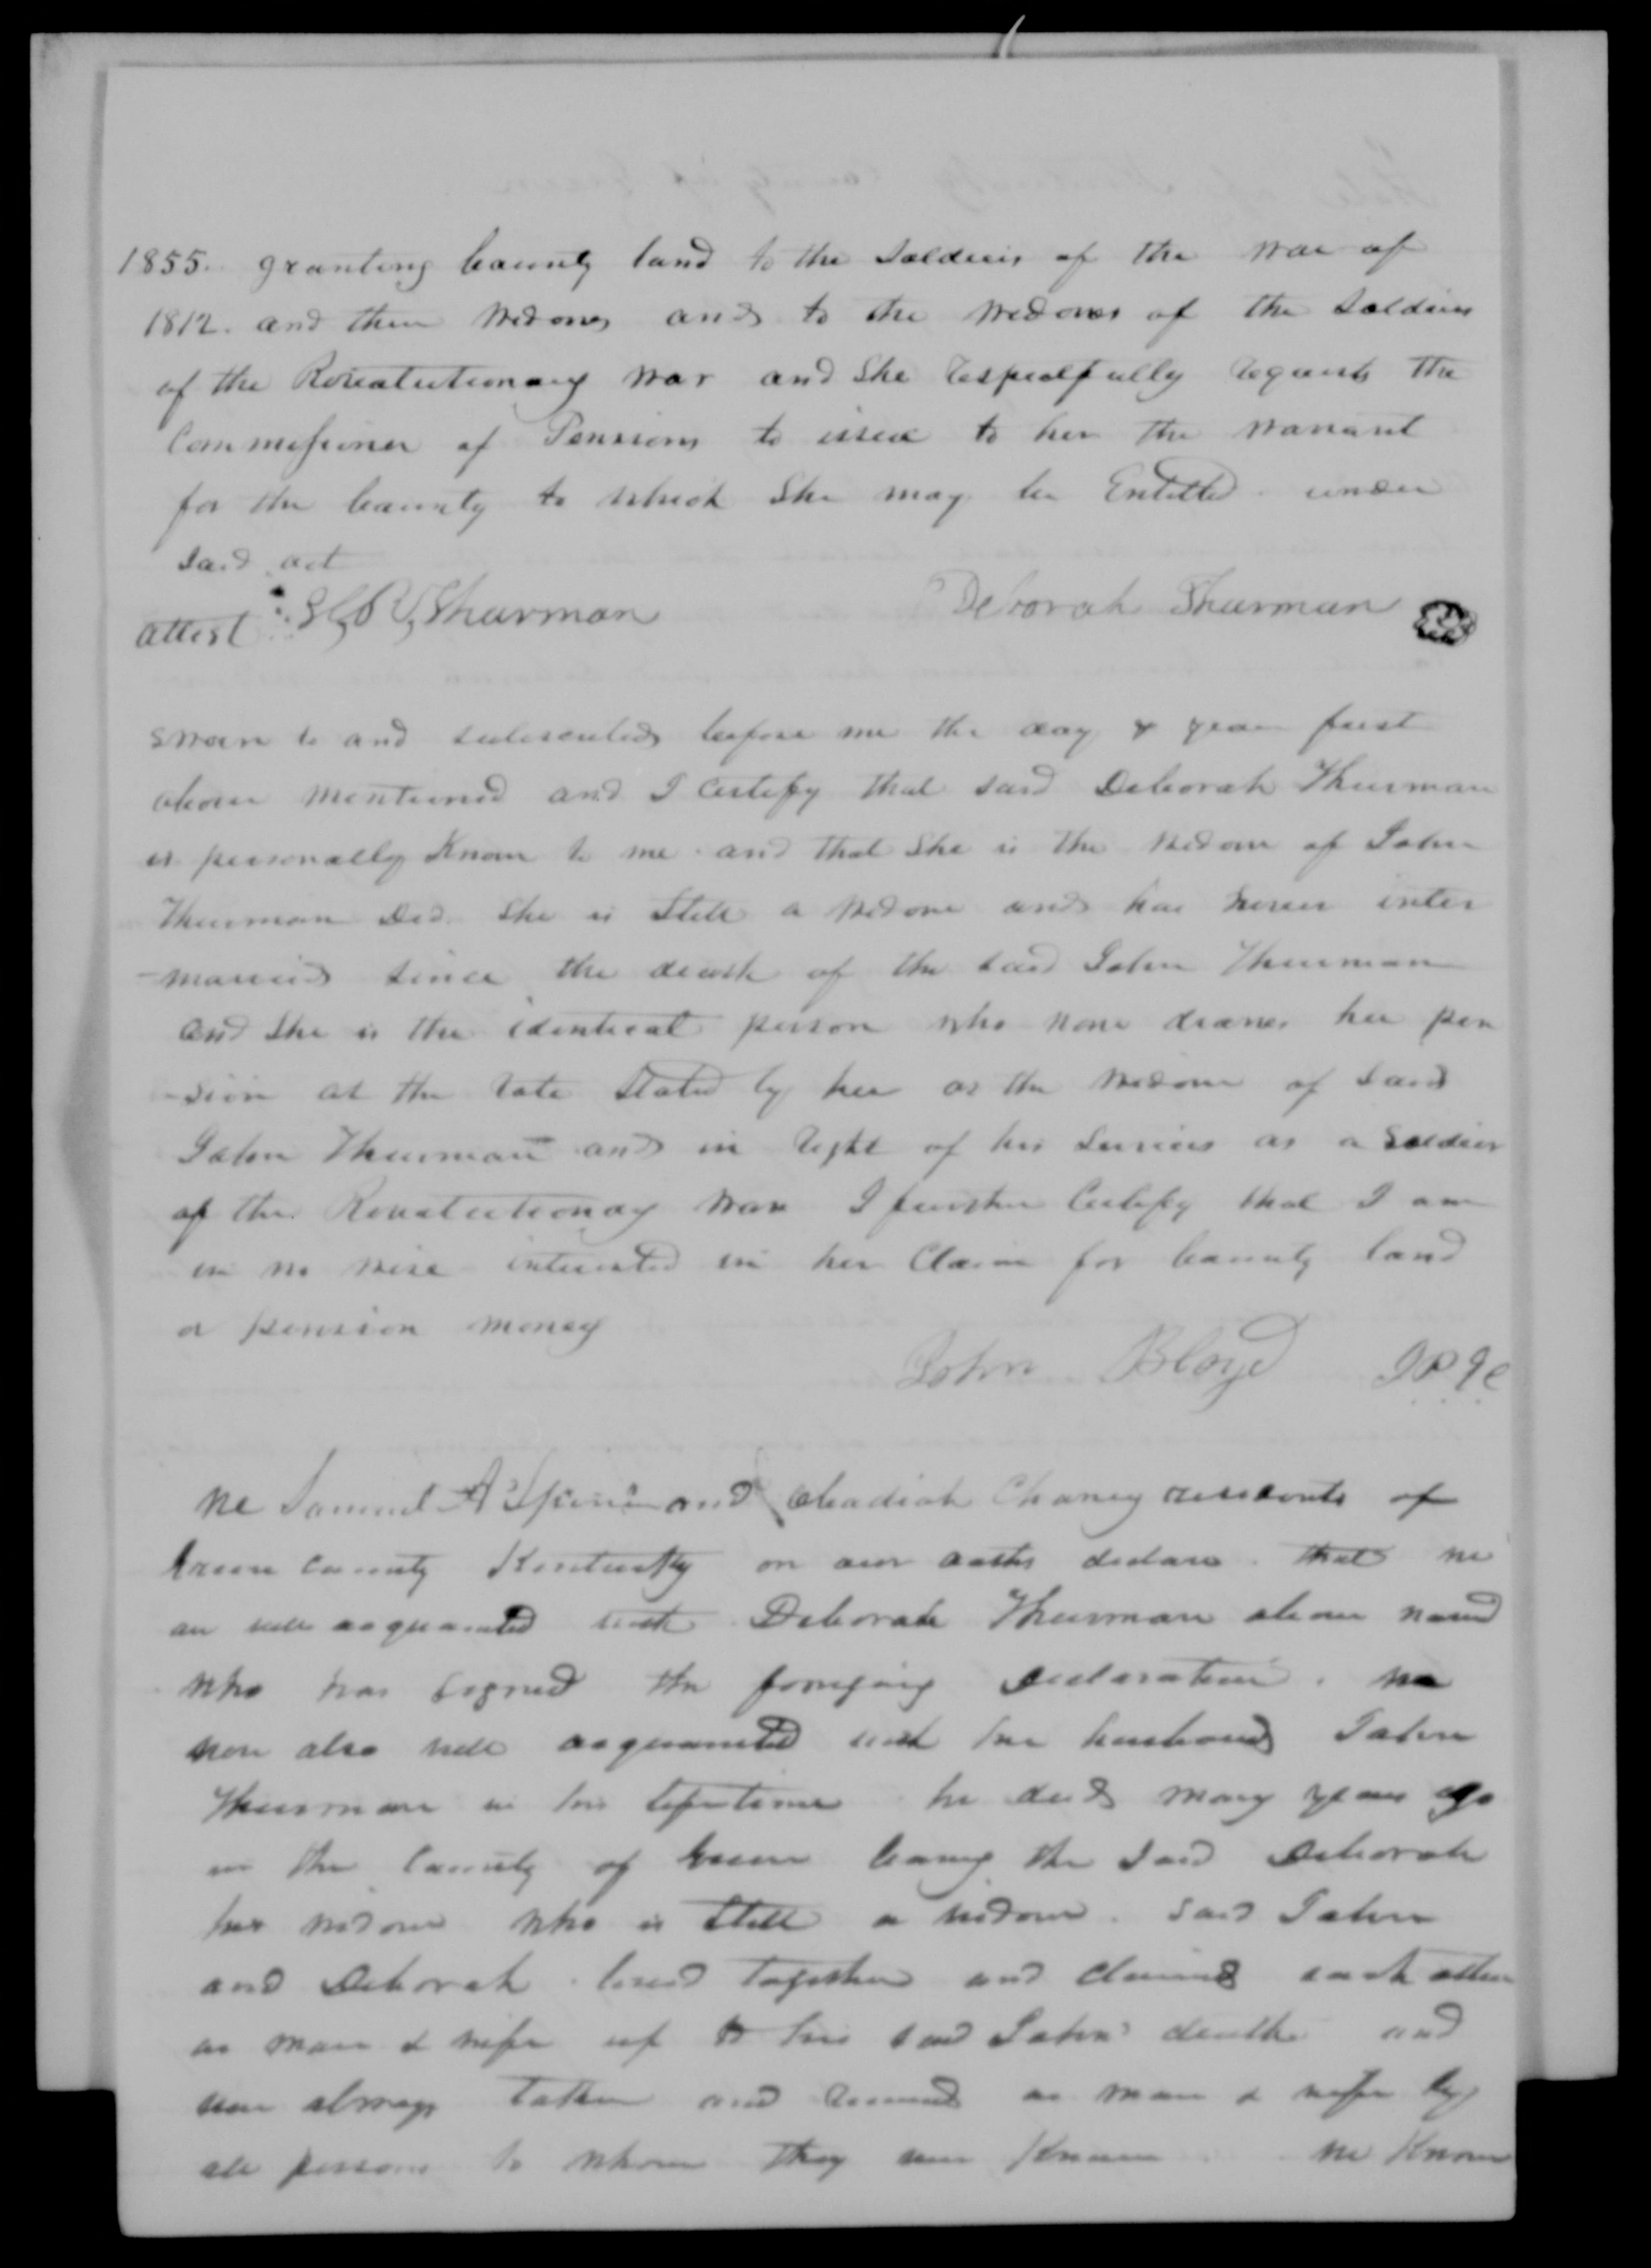1855. granting bounty land to the soldiers of the War of 1812 and their widows and to the widows of the soldiers of the Revolutionary War and She respectfully requests the Commissioner of Pensions to issue to her the warrant for the bounty to which she may be Entitled under said act
Deborah Thurman
attest L. R. Thurman 
Sworn to and subscribed before me this day & year first above mentioned and I certify that said Deborah Thurman is personally known to me and that she is the widow of John Thurman Ded She is still a widow and has never intermarried since the death of the said John Thurman and she is the identical person who now draws her pension at the date stated by her as the widow of said John Thurman and in right of his services as a soldier of the Revolutionary War. I further Certify that I am in no mind interested in her Claim for bounty land or pension money
John Bloyd JPJC
We Samuel A Spencer and Obadiah Chaney residents of Greene County Kentucky on our oaths declare that we are well acquainted with Deborah Thurman above named who has signed the foregoing declaration.  We were also well acquainted with her husband John Thurman in his lifetime. he died many years ago in the County of Green being the said Deborah his widow who is still a widow. Said John and Deborah lived together and claimed each other as man & wife up to the said John's death and were always taken and received as man and wife by all persons to whom they were known  We know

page: 20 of 53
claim: widow's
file: W. 6,267, for John Thurman, Georgia